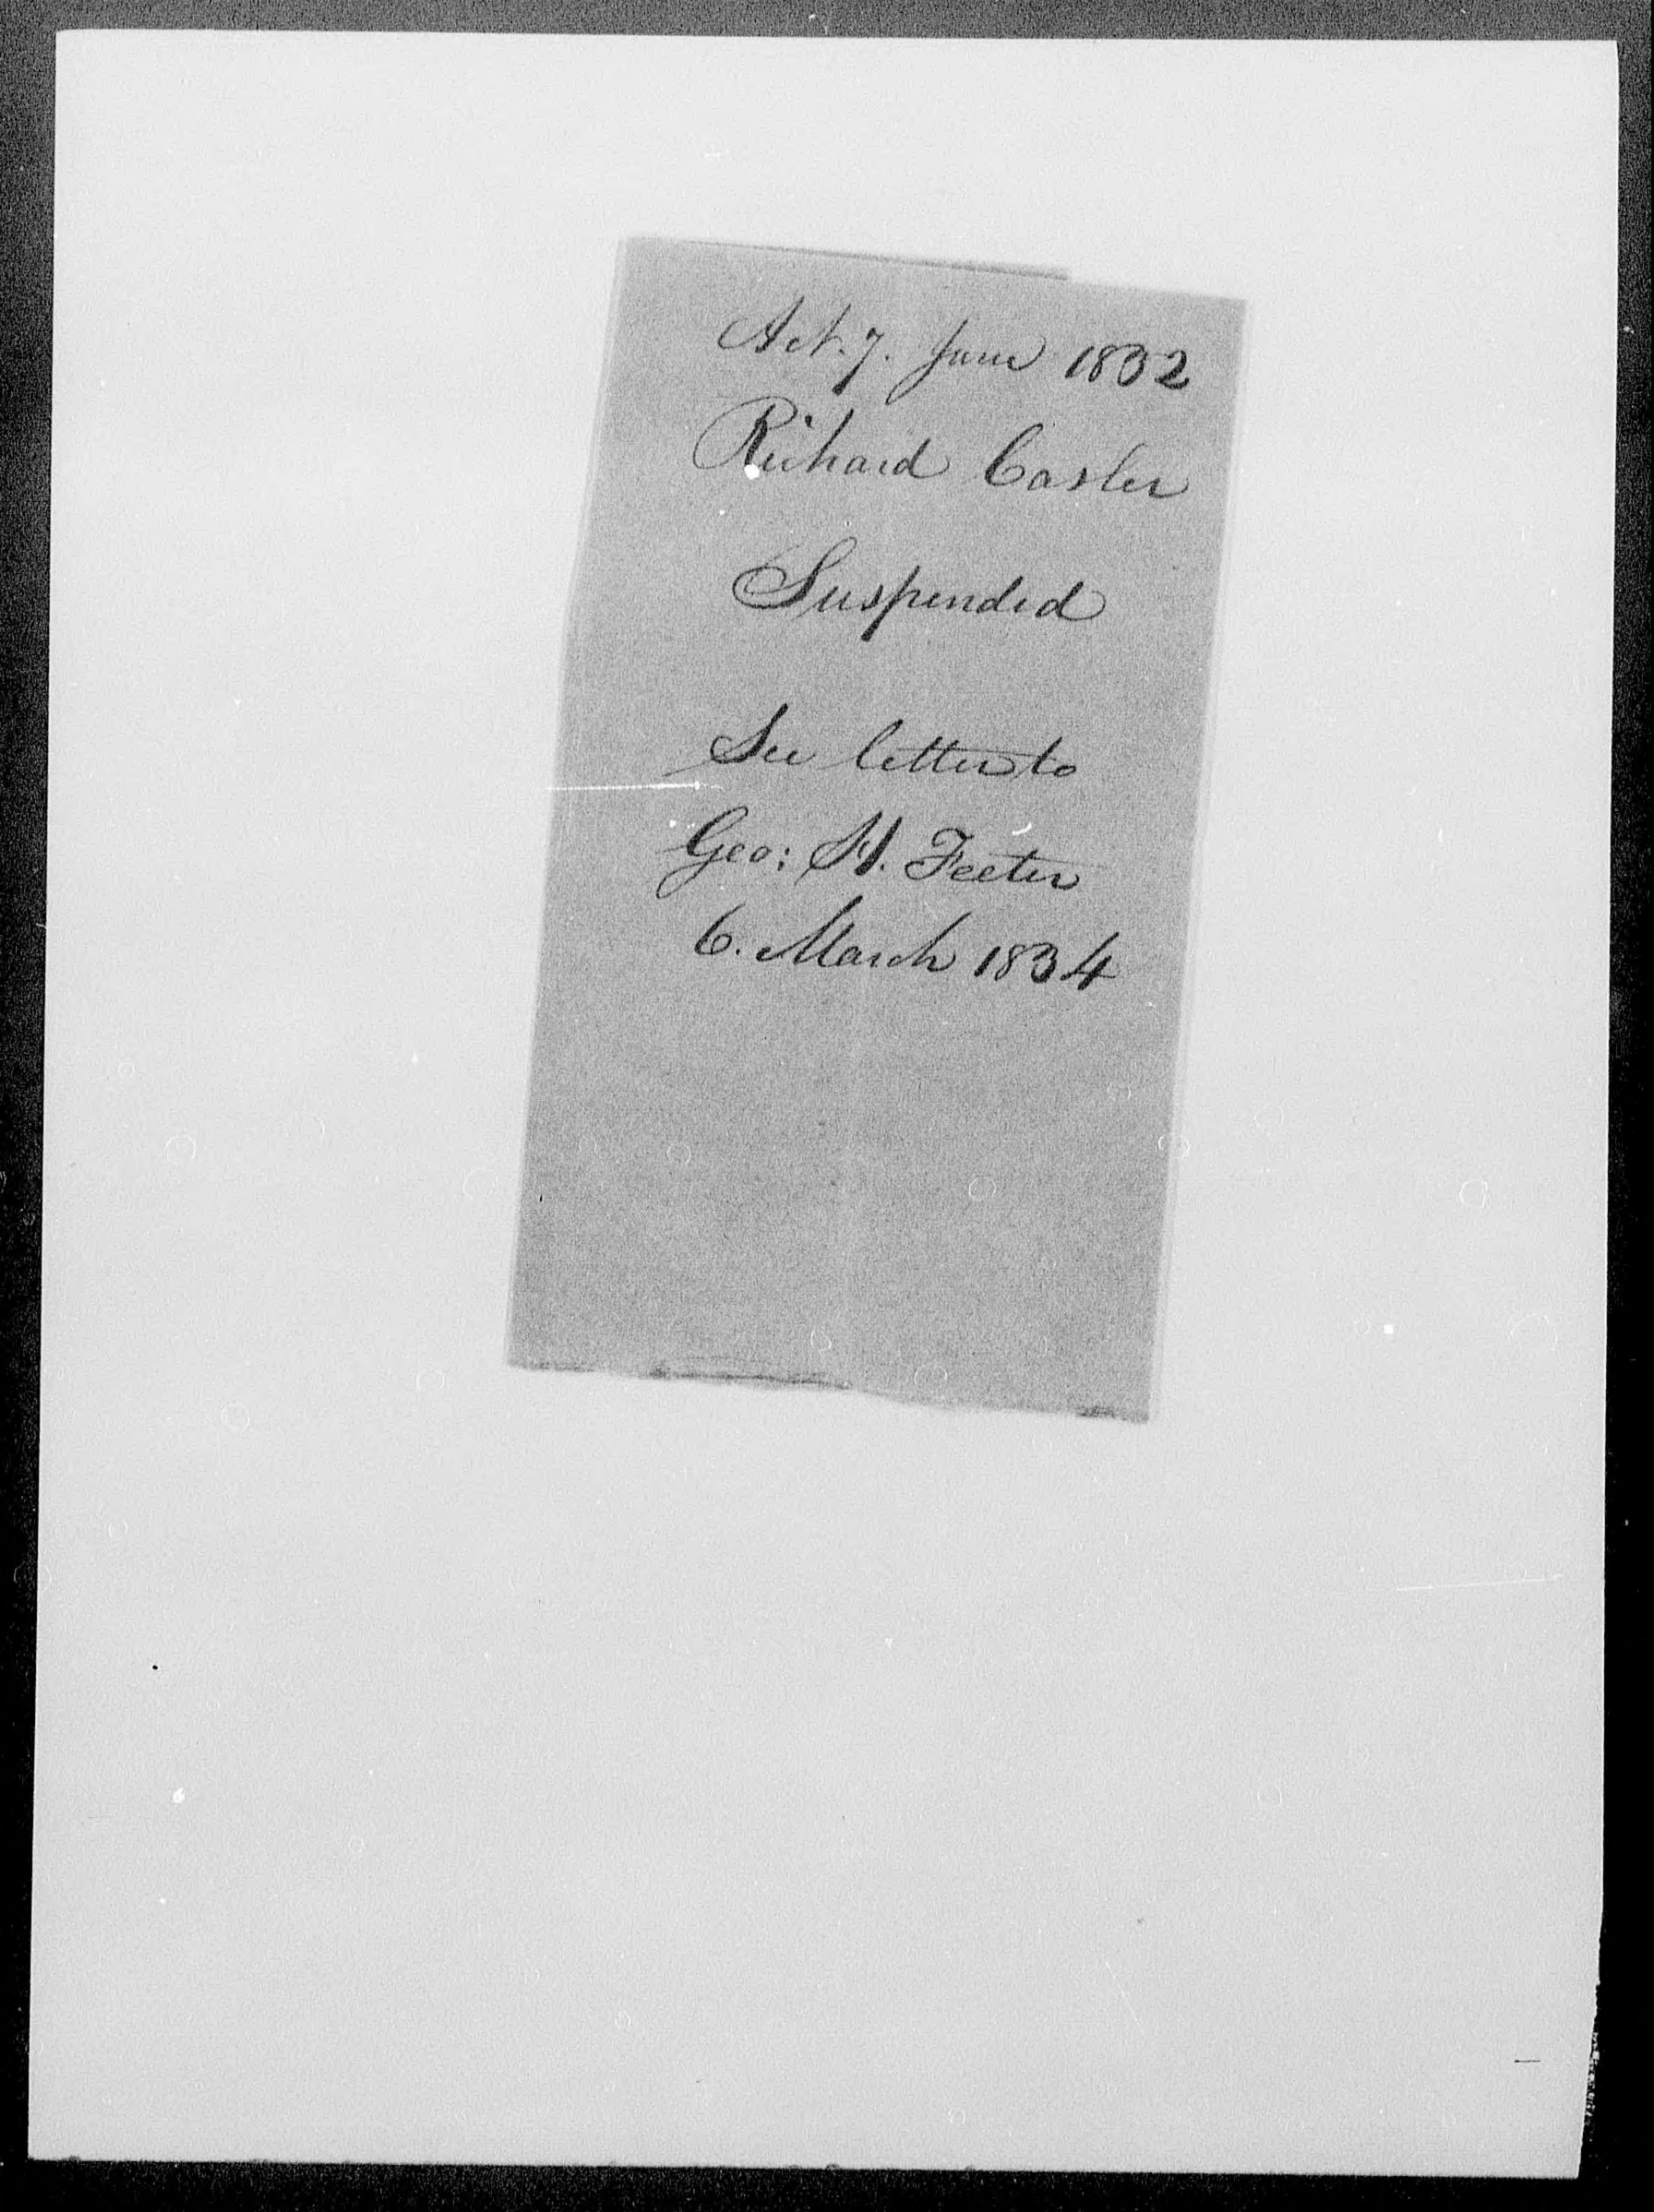Act 7 June 1832
Richard Casler
Suspended
See letter to
Geo. H. Feeter
6 March 1834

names: Geo H Feeter, Richard Casler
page: 33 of 66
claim: widow's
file: W. 6637, Richard Caslar, New York